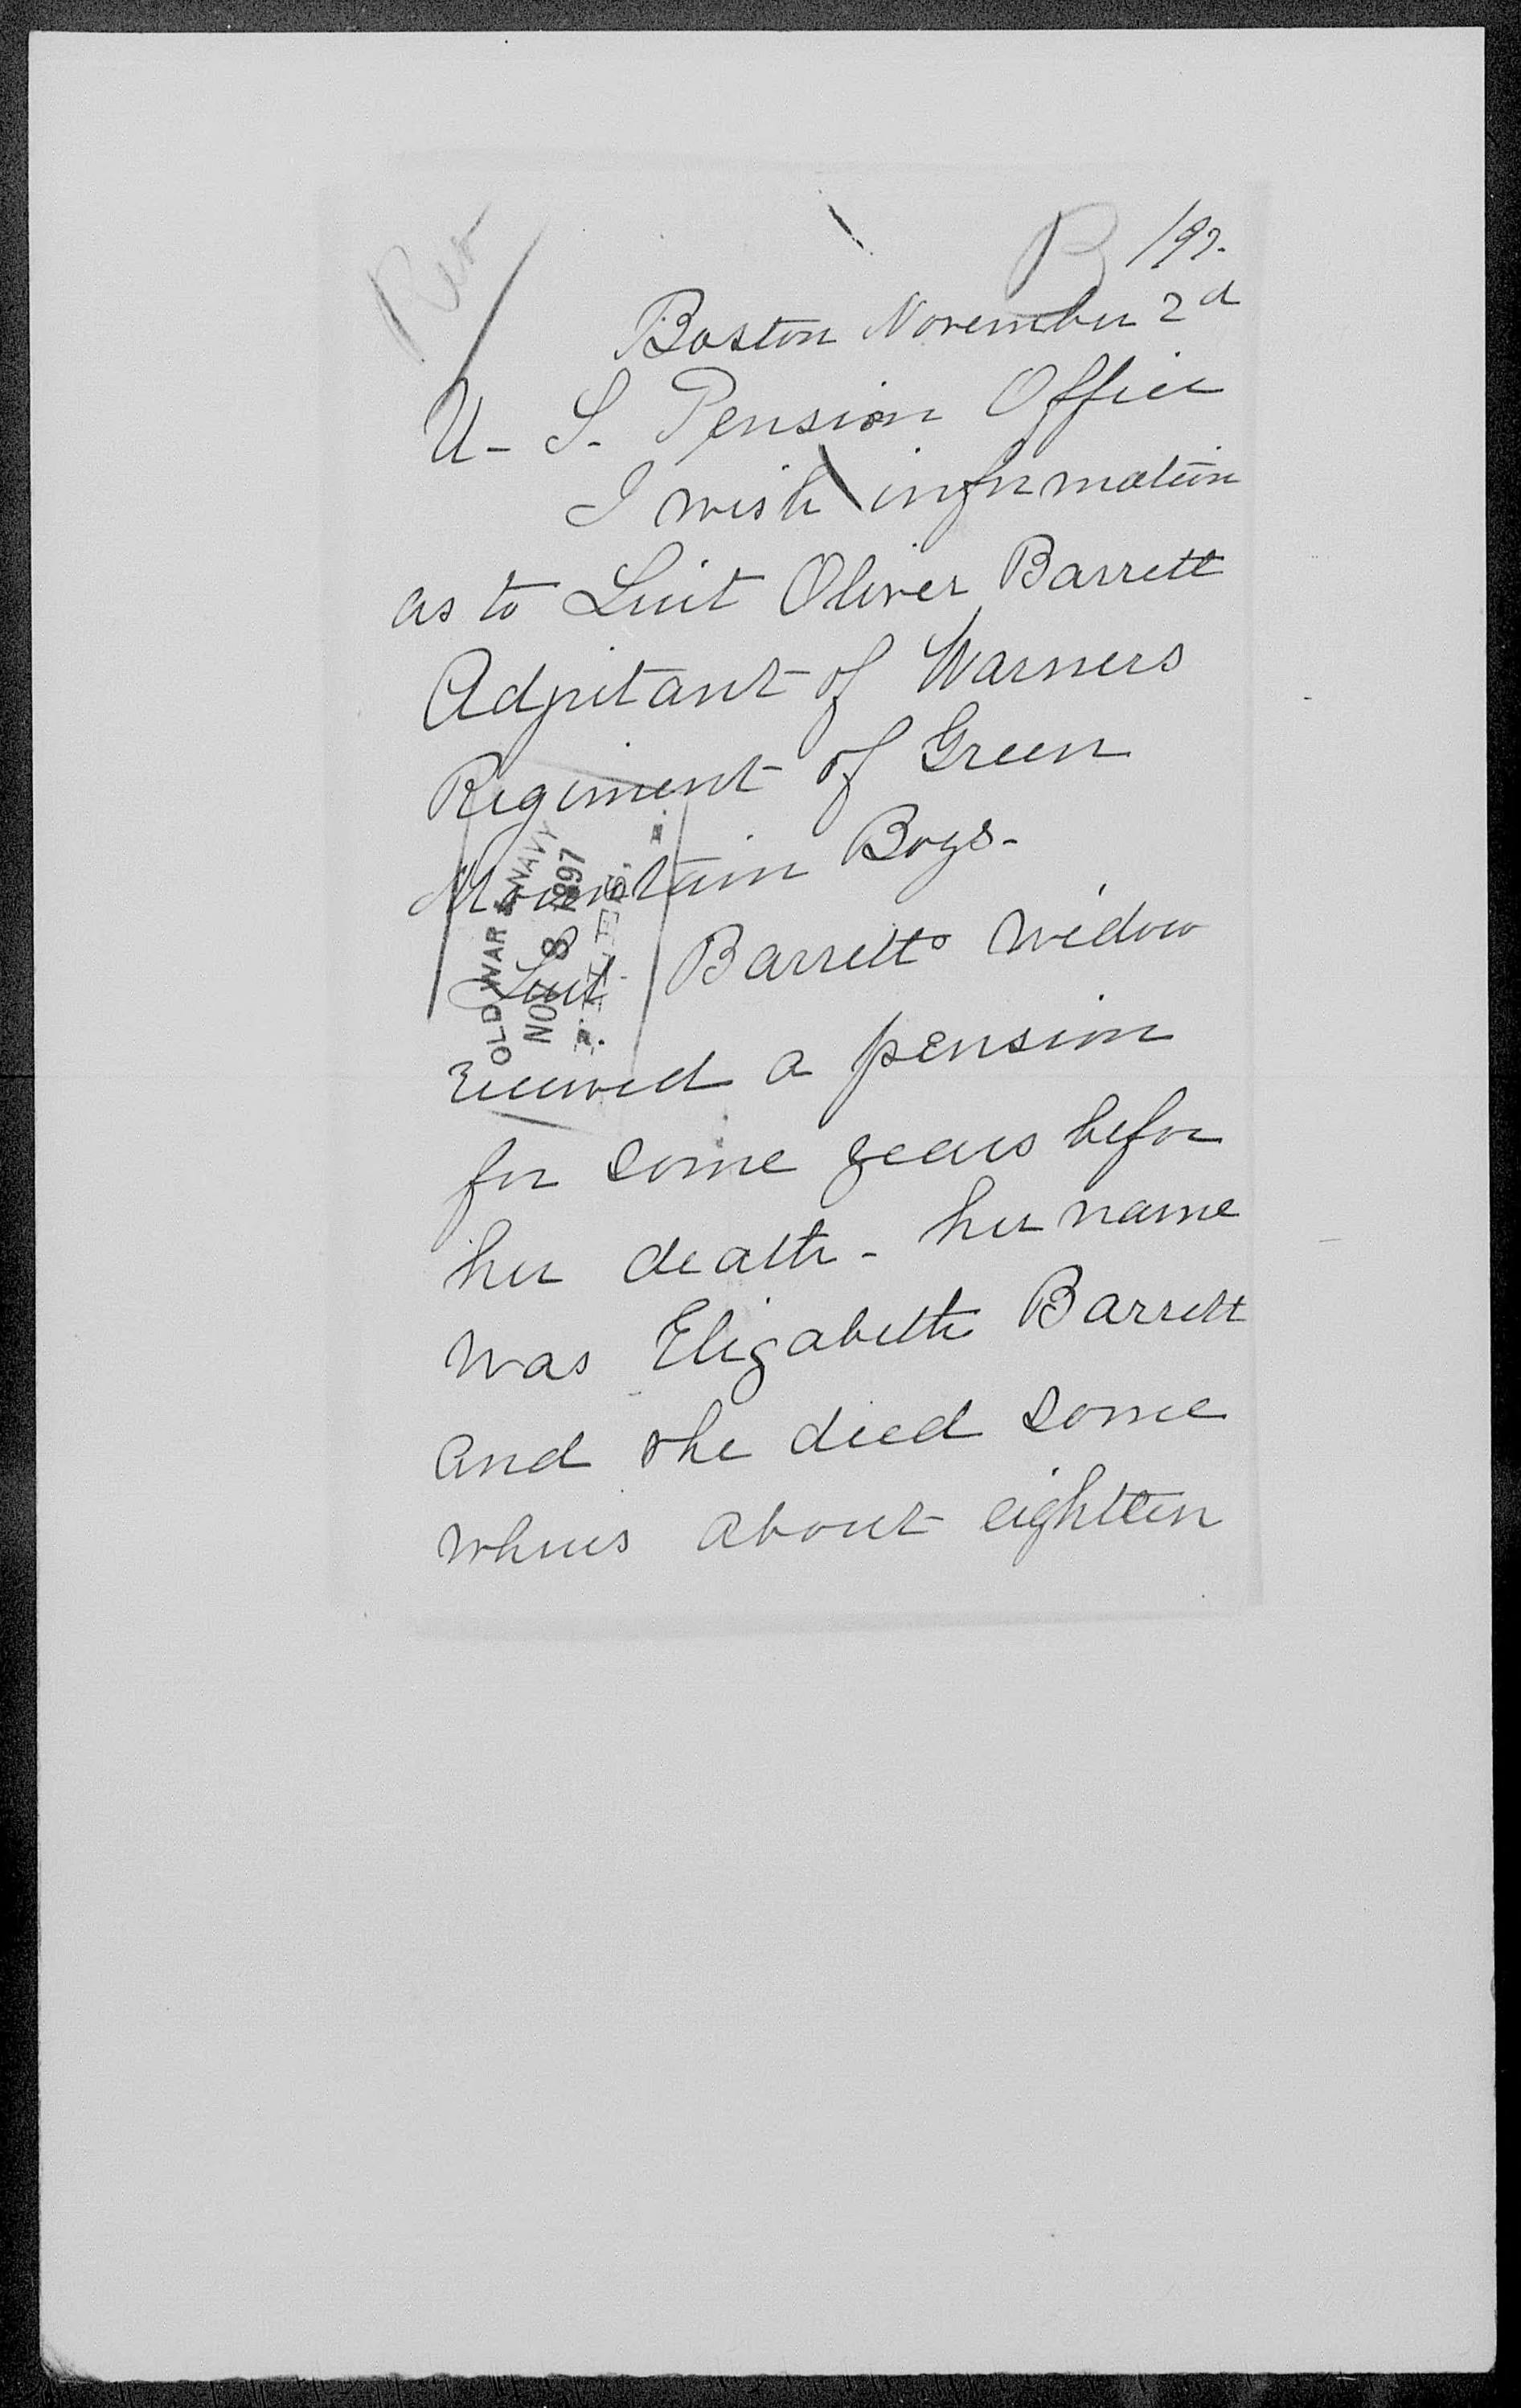Rev 
B 197
Boston November 2d
U.S. Pension Office
I wish information as to Lieut. Oliver Barrett Adjutant of Warners Regiment of Green Mountain Boys. 
Lieut. Barrett widow received a pension for some years before her death. her name was Elizabeth Barrett and she died some where about eighteen 

Old War & Navy
Nov 8 1897
Files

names: Elizabeth Barrett, Barrett, Oliver Barrett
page: 68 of 83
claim: widow's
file: W. 10,384, Oliver Barrett, Continental (Vt.) N.Y.